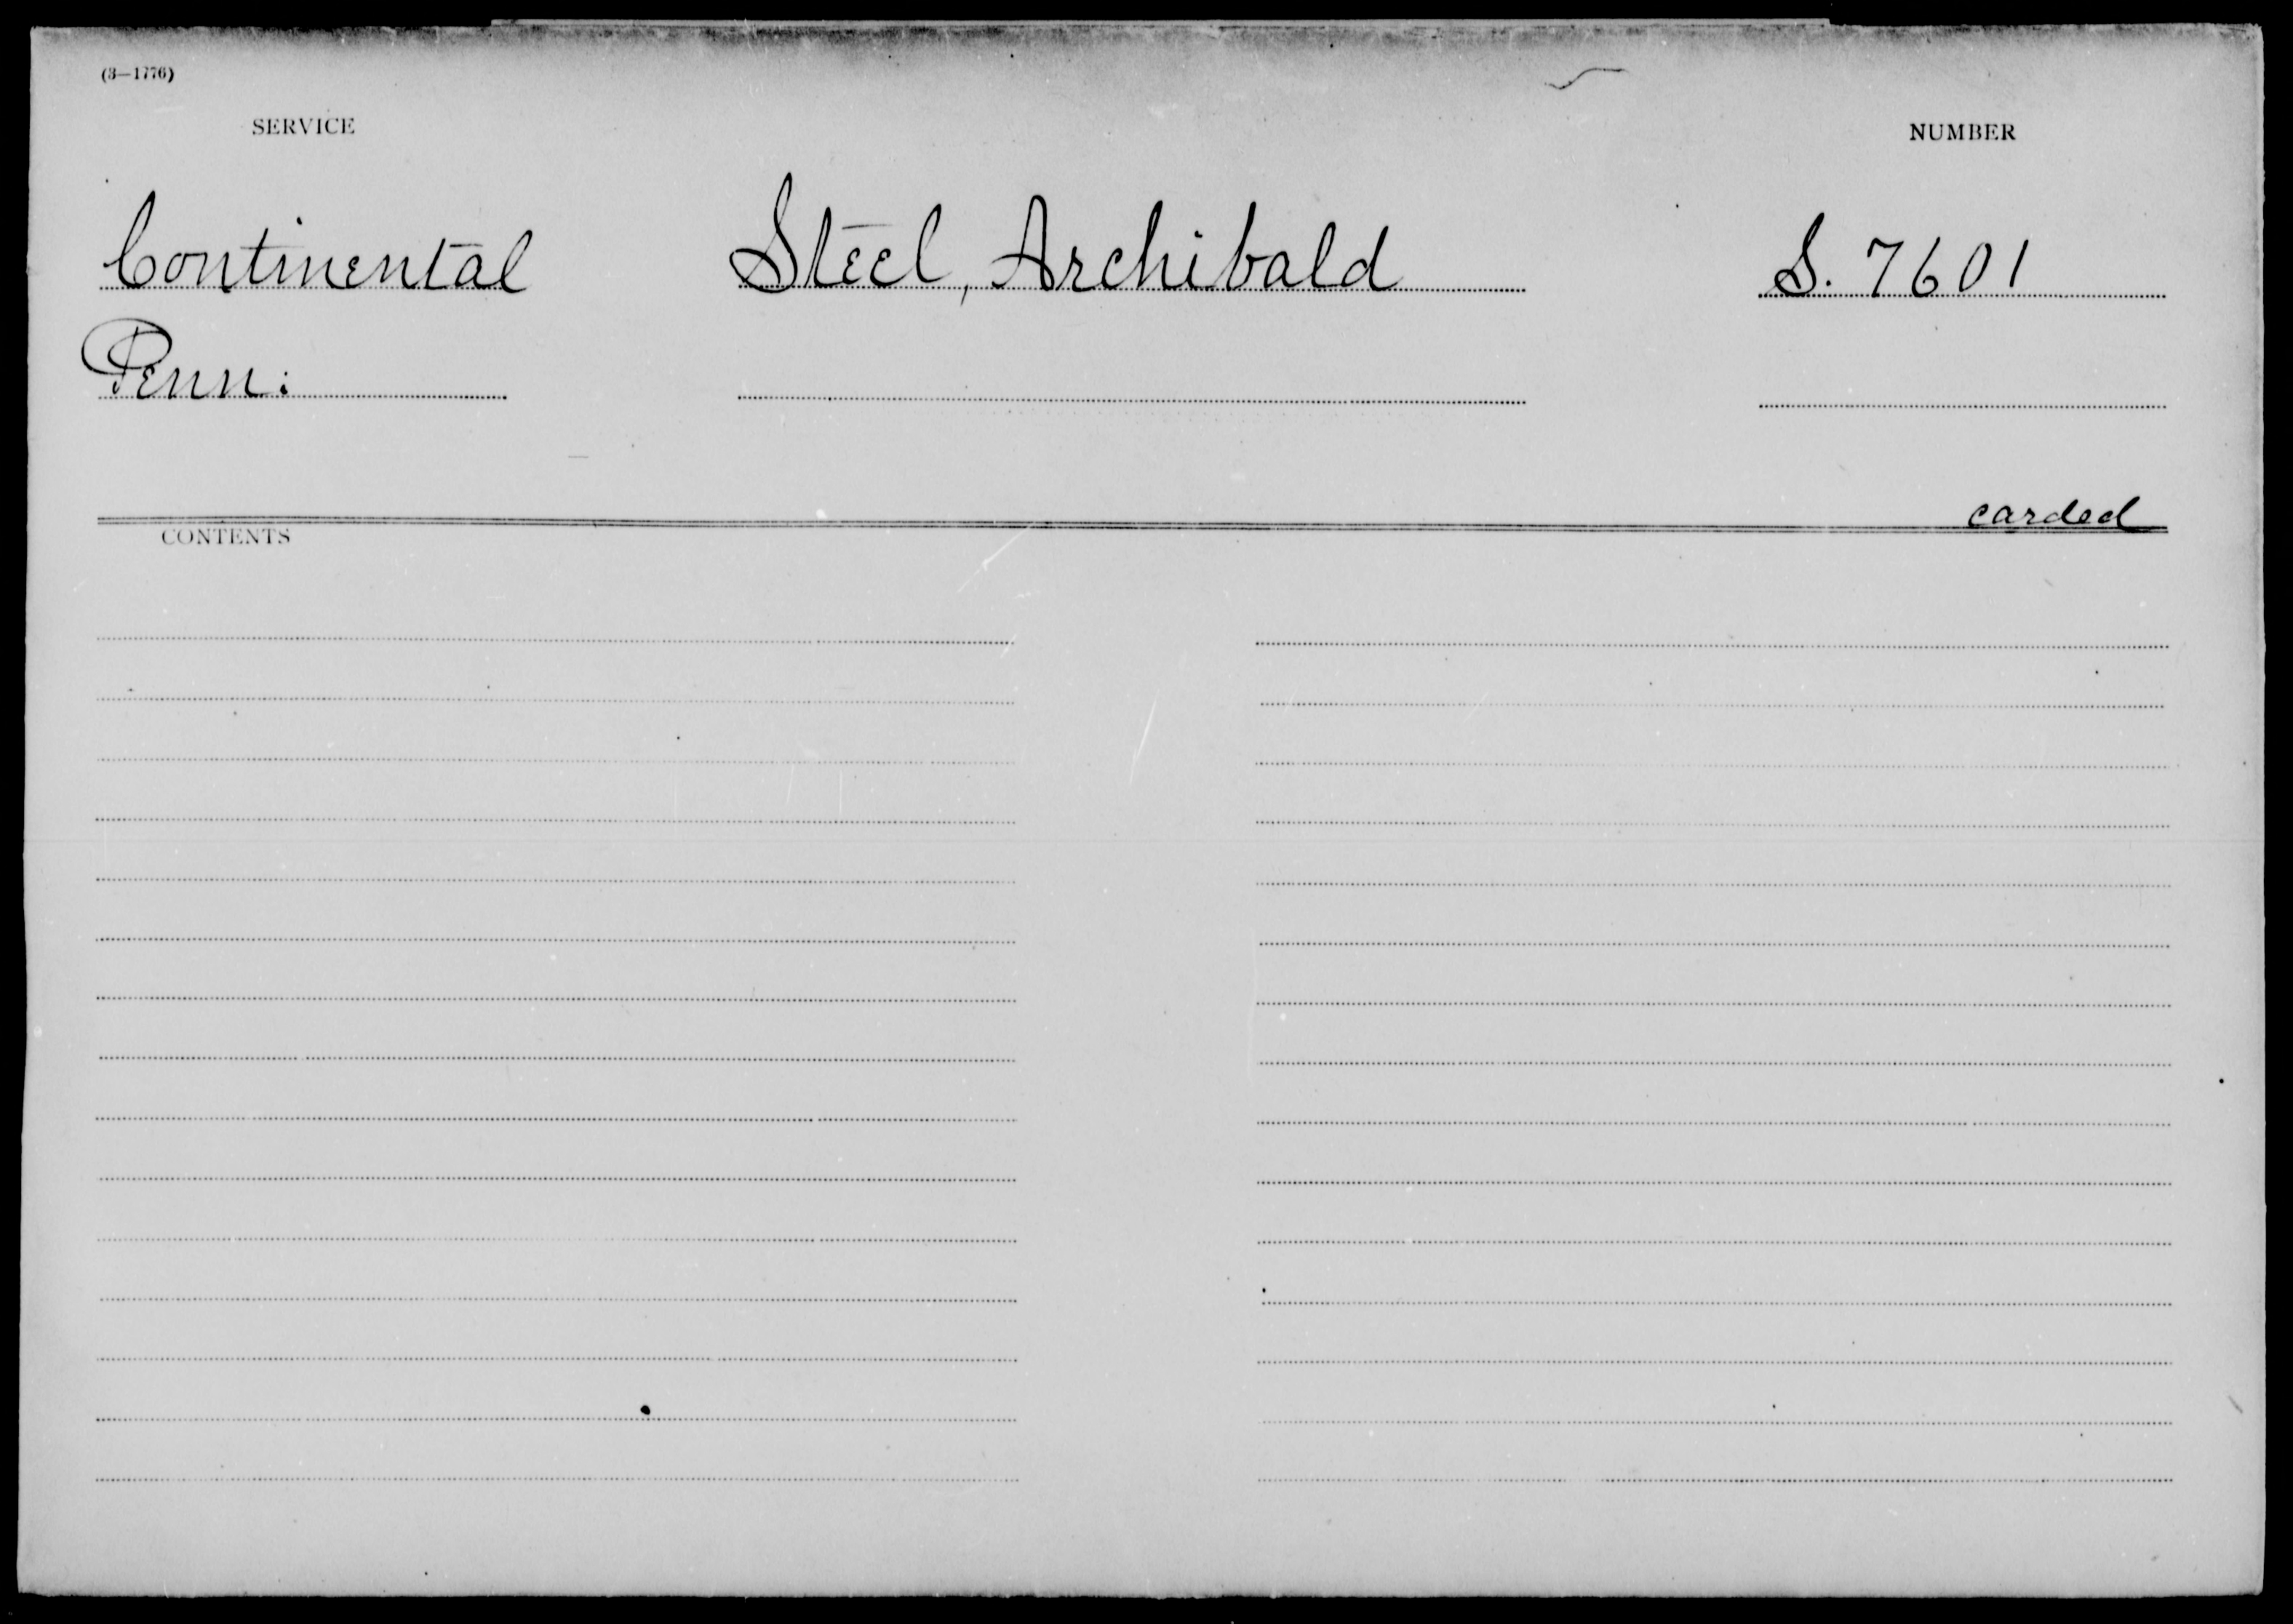Service:  Continental Penn

Steel, Archibald

Number S.7601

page: 1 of 28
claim: survivor's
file: S. 7601, for Archibald Steel, Pennsylvania